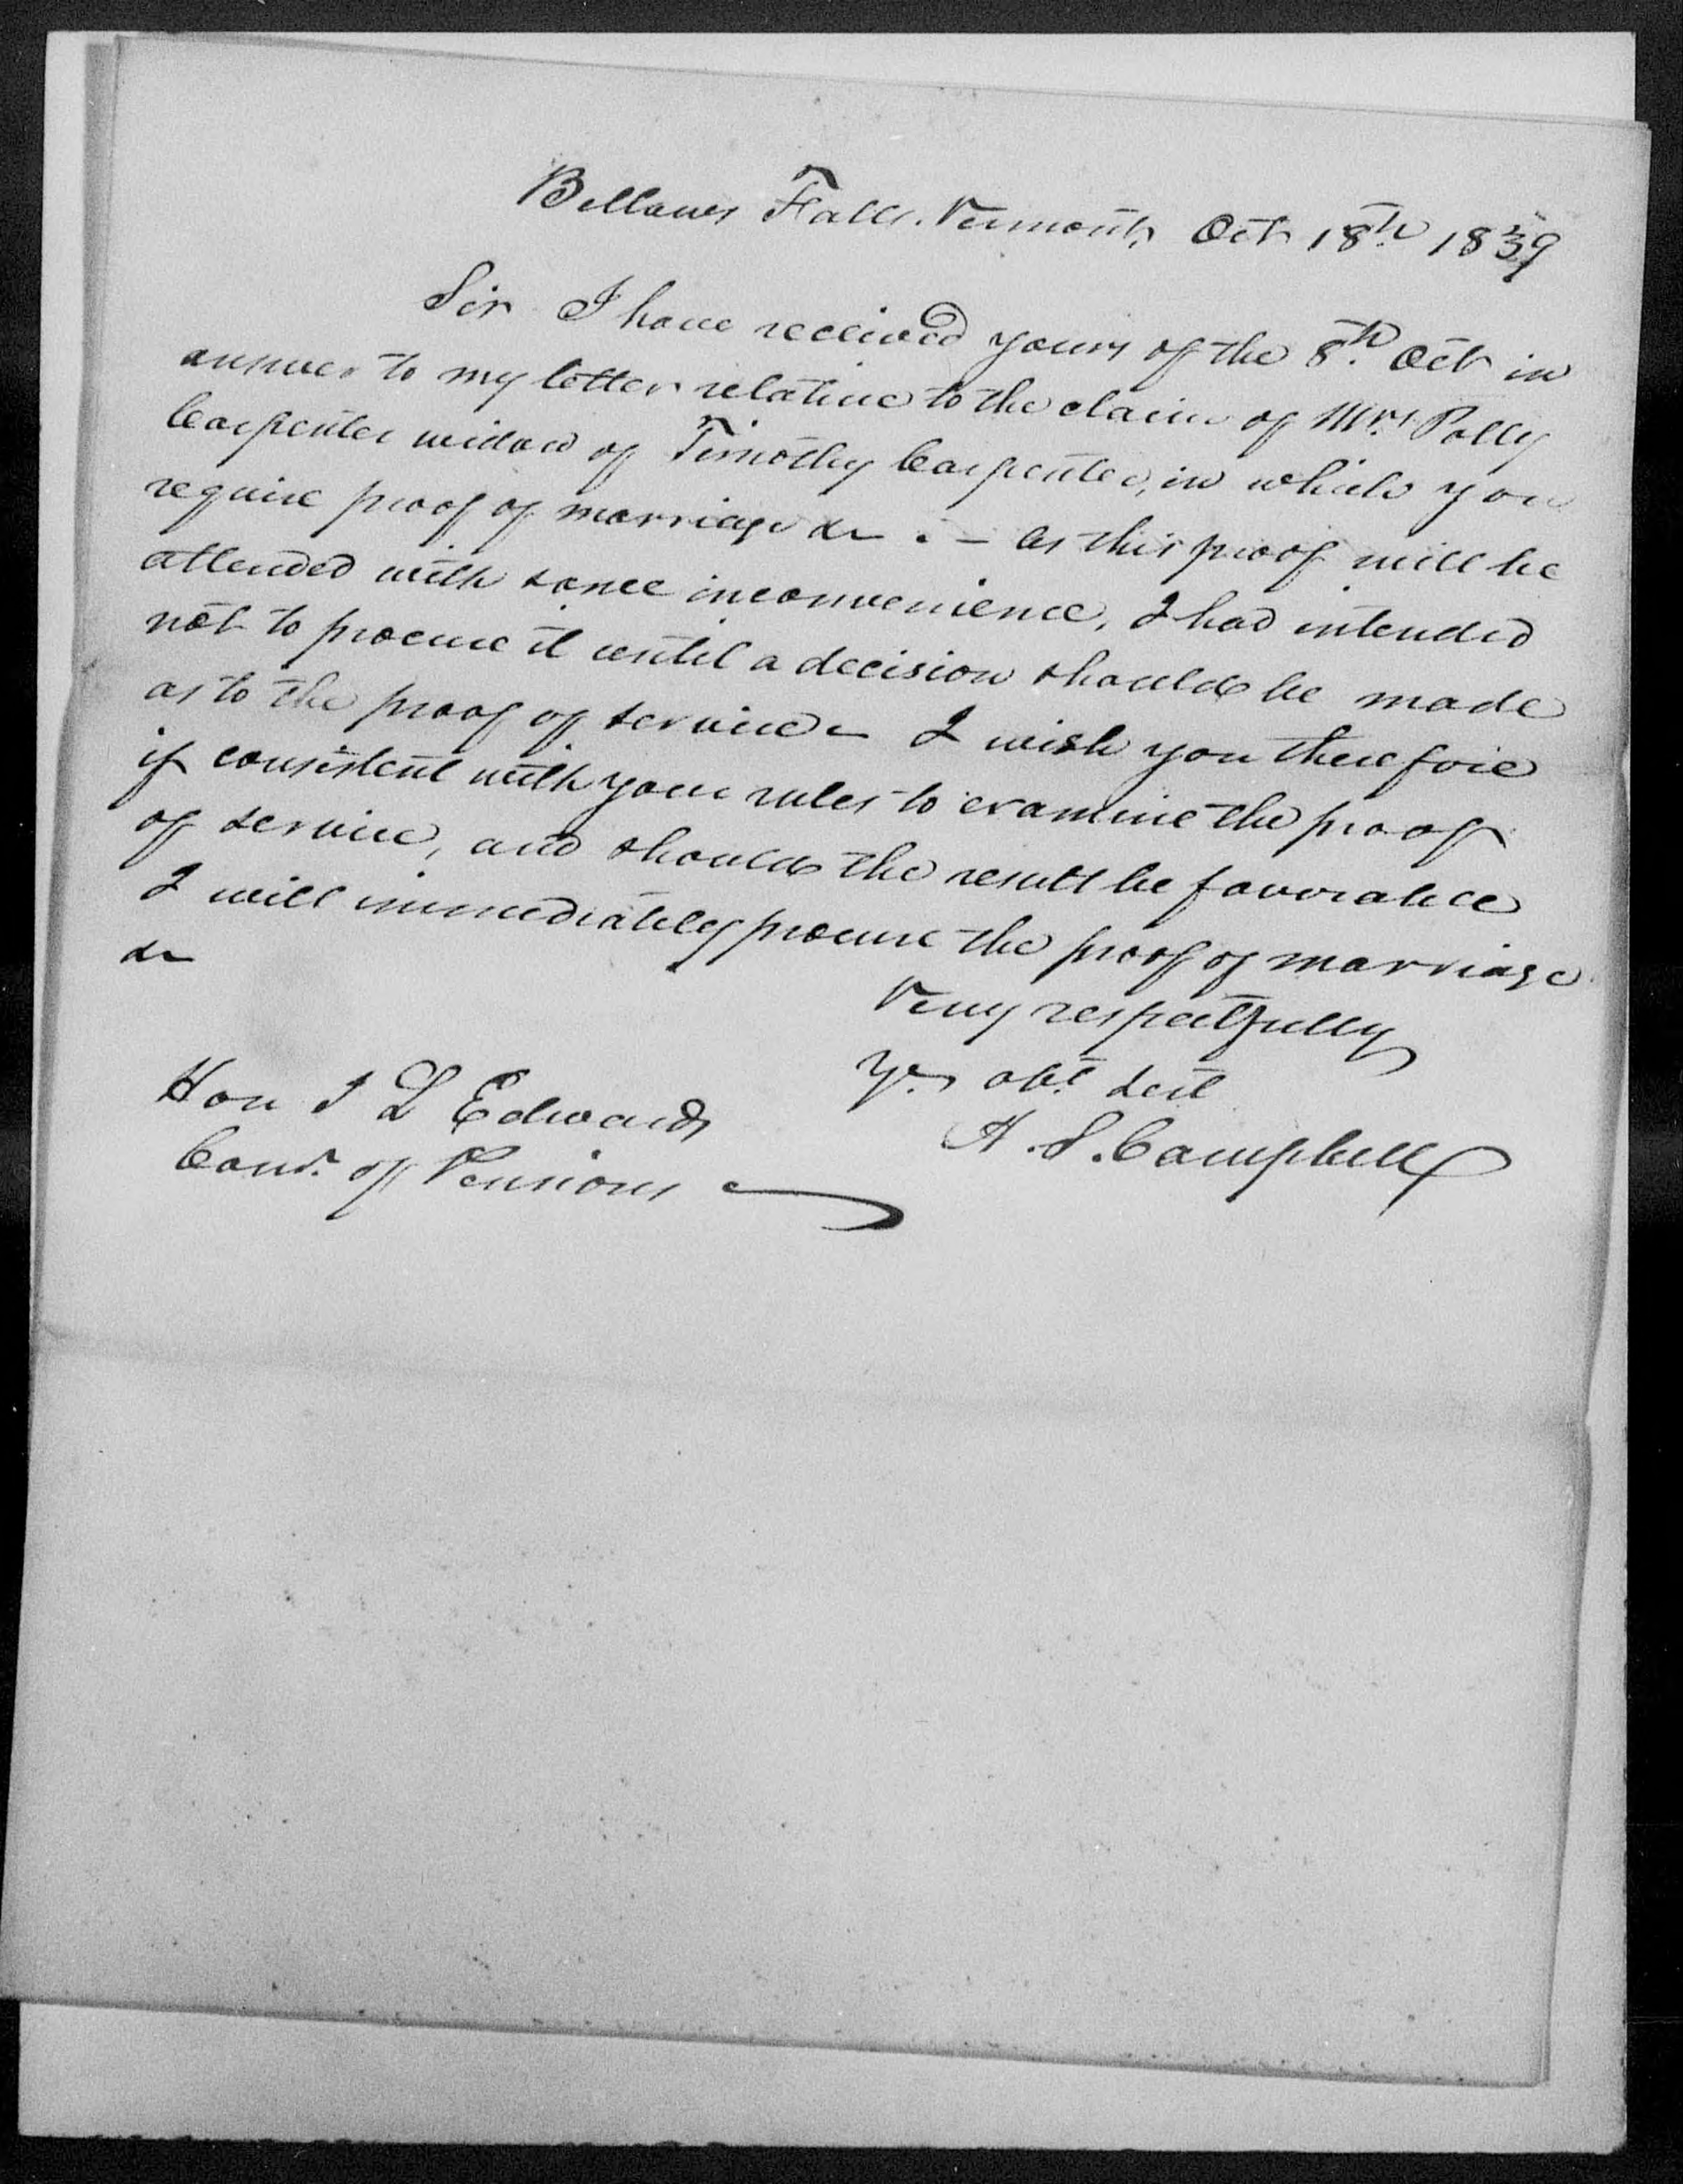Bellows Falls, Vermont, Oct 18th 1839

Sir I have received yours of the 8th Oct in answer to my letter relative to the claim of Mrs. Polly Carpenter widow of Timothy Carpenter, in which you require proof of marriage &c. - as this proof will be attended with some inconvenience, I had intended not to procure it until a decision should be made as to the proof of service - I wish you therefore if consistent with your rules to examine the proof of service, and should the result be favorable I will immediately procure the proof of marriage.
Very respectfully yr. obt. servt.
/s/A. S. Campbell

Hon J L Edwards
Com'r of Pensions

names: J L Edwards, Timothy Carpenter, Polly Carpenter, A S Campbell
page: 31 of 41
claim: widow's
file: W. 15627, Timothy Carpenter, Vt.